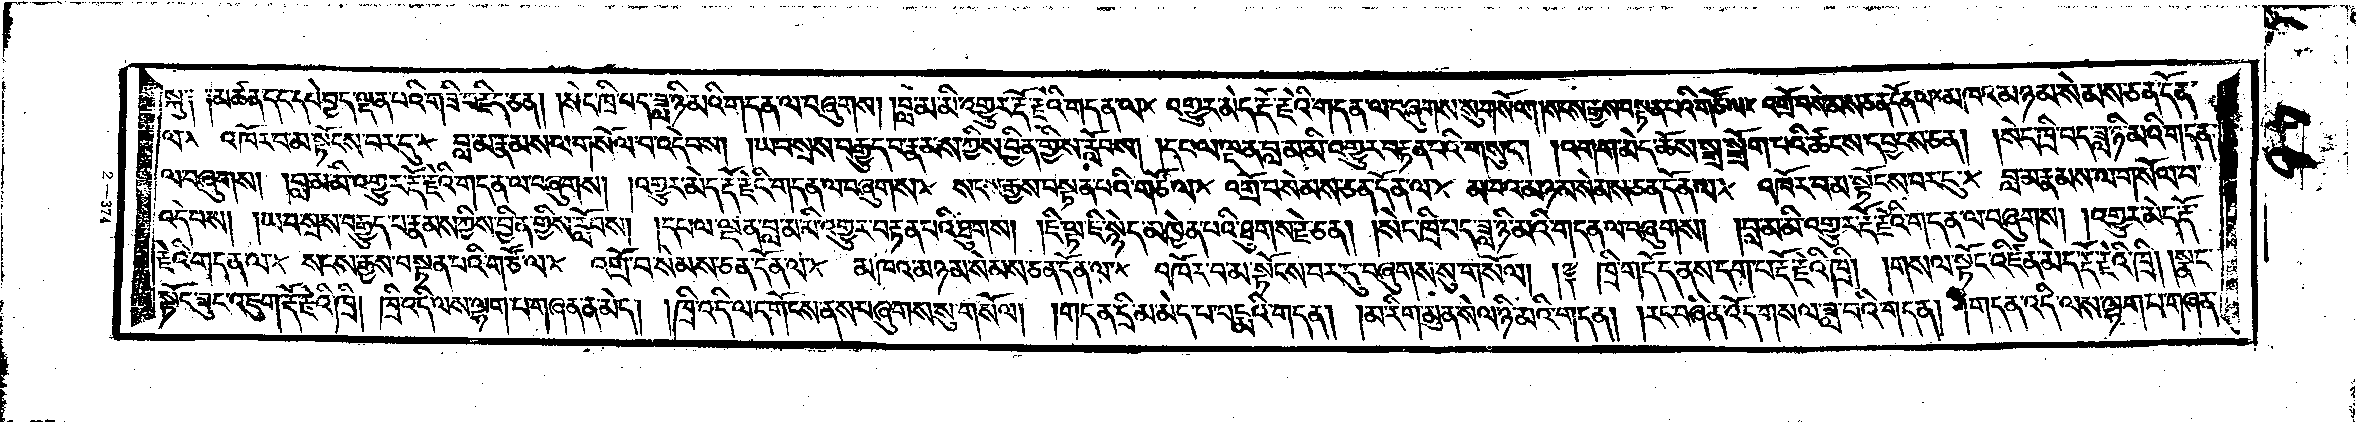སྐུ༑ ༑མཚན་དང་དཔེ་བྱད་ལྡན་པའི་གཟི་བརྗིད་ཅན། །སེང་ཁྲི་པད་ཟླ་ཉི་མའི་གདན་ལ་བཞུགས། །བླ་མ་མི་འགྱུར་རྡོ་རྗེའི་གདན་ལ྾་འགྱུར་མེད་རྡོ་རྗེའི་གདན་ལ་བཞུགས་སུ་གསོལ། །སངས་རྒྱས་བསྟན་པའི་གཙོལ྾་འགྲོ་བ་སེམས་ཅན་དོན་ལ་མཁའ་མཉམ་སེམས་ཅན་དོན་
ལ྾་འཁོར་བ་མ་སྟོངས་བར་དུ྾་བླ་མ་རྣམས་ལ་གསོལ་བ་འདེབས། །ཡབ་སྲས་བརྒྱུད་བ་རྣམས་ཀྱིས་བྱིན་གྱིས་རློབས། །དཔལ་ལྡན་བླ་མ་མི་འགྱུར་བརྟན་པའི་གསུང་། །འགག་མེད་ཆོས་སྒྲ་སྒྲོག་པའི་ཚངས་དབྱངས་ཅན། །སེང་ཁྲི་པད་ཟླ་ཉི་མའི་གདན་
ལ་བཞུགས། །བླ་མ་མི་འགྱུར་རྡོ་རྗེའི་གདན་ལ་བཞུགས། །འགྱུར་མེད་རྡོ་རྗེའི་གདན་ལ་བཞུགས྾་སངས་རྒྱས་བསྟན་པའི་གཙོ་ལ྾་འགྲོ་བ་སེམས་ཅན་དོན་ལ྾་མཁའ་མཉམ་སེམས་ཅན་དོན་ལ྾་འཁོར་བམ་སྟོངས་བར་དུ྾་བླ་མ་རྣམས་ལ་གསོལ་བ་
འདེབས། །ཡབ་སྲས་བརྒྱུད་པ་རྣམས་ཀྱིས་བྱིན་གྱིས་རློབས། །དཔལ་ལྡན་བླ་མ་མི་འགྱུར་བརྟན་པའི་ཐུགས། །ཇི་ལྟ་ཇི་སྙེད་མཁྱེན་པའི་ཐུགས་རྗེ་ཅན། །སེང་ཁྲི་པད་ཟླ་ཉི་མའི་གདན་ལ་བཞུགས། །བླ་མ་མི་འགྱུར་རྡོ་རྗེའི་གདན་ལ་བཞུགས། །འགྱུར་མེད་རྡོ་
རྗེའི་གདན་ལ྾་སངས་རྒྱས་བསྟན་པའི་གཙོ་ལ྾་འགྲོ་བ་སེམས་ཅན་དོན་ལ྾་མཁའ་མཉམས་སེམས་ཅན་དོན་ལ྾་འཁོར་བ་མ་སྟོངས་བར་དུ་བཞུགས་སུ་གསོལ། །༈ ཁྲི་གདོད་ནས་དག་པ་རྡོ་རྗེའི་ཁྲི། །གསལ་སྟོང་འཛིན་མེད་རྡོ་རྗེའི་ཁྲི། །སྣང་
སྟོང་ཟུང་འཇུག་རྡོ་རྗེའི་ཁྲི། ཁྲི་འདི་ལས་ལྷག་པ་གཞན་ན་མེད། །ཁྲི་འདི་ལ་དགོངས་ནས་བཞུགས་སུ་གསོལ། །གདན་དྲི་མ་མེད་པ་པདམའི་གདན། །མ་རིག་མུན་སེལ་ཉི་མའི་གདན། །རང་བཞིན་འོད་གསལ་ཟླ་བའི་གདན། །གདན་འདི་ལས་ལྷག་པ་གཞན་